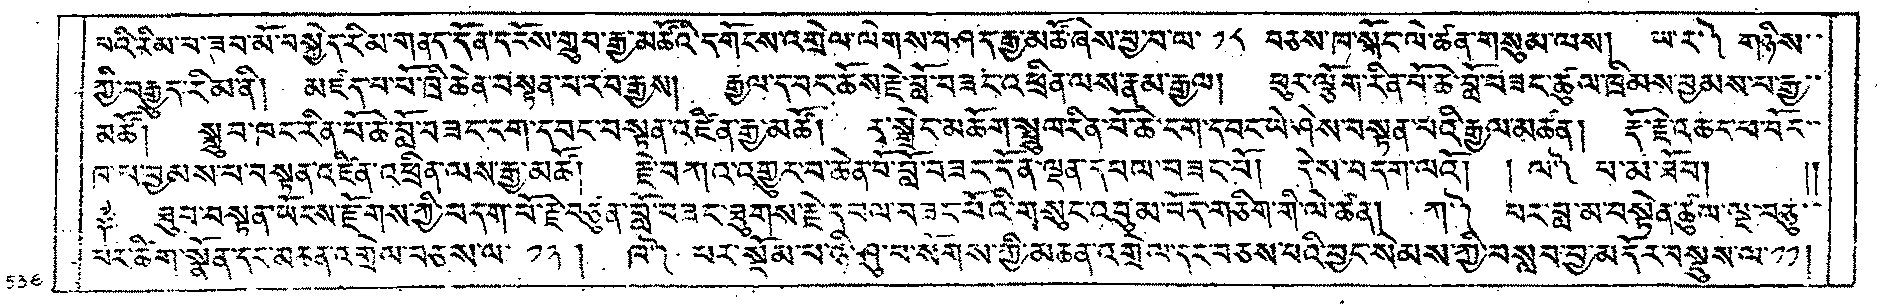པའི་རིམ་པ་ཟབ་མོ་བསྐྱེད་རིམ་གནད་དོན་དངོས་གྲུབ་རྒྱ་མཚོའི་དགོངས་འགྲེལ་ལེགས་བཤད་རྒྱ་མཚོ་ཞེས་བྱ་བ་ལ ༡༨་བཅས་ཁ་སྐོང་ལེ་ཚན་གསུམ་ལས། ཡ་ར྄་གཉིས་
ཀྱི་བརྒྱུད་རིམ་ནི། མཛད་པ་པོ་ཁྲི་ཆེན་བསྟན་པ་རབ་རྒྱས། རྒྱལ་དབང་ཆོས་རྗེ་བློ་བཟང་འཕྲིན་ལས་རྣམ་རྒྱལ། ཕུར་ལྕོག་རིན་པོ་ཆེ་བློ་བཟང་ཚུལ་ཁྲིམས་བྱམས་པ་རྒྱ་
མཚོ། སྒྲུབ་ཁང་རིན་པོ་ཆེ་བློ་བཟང་ངག་དབང་བསྟན་འཛིན་རྒྱ་མཚོ། རྭ་སྒྲེང་མཆོག་སྤྲུལ་རིན་པོ་ཆེ་ངག་དབང་ཡེ་ཤེས་བསྟན་པའི་རྒྱལ་མཚན། རྡོ་རྗེ་འཆང་ཕ་བོང་
ཁ་པ་བྱམས་པ་བསྟན་འཛིན་འཕྲིན་ལས་རྒྱ་མཚོ། རྗེ་བཀའ་འགྱུར་བ་ཆེན་པོ་བློ་བཟང་དོན་ལྡན་དཔལ་བཟང་པོ། དེས་བདག་ལའོ། །ལ྄་པ་མ་ཐོབ། །།
༈ ཐུབ་བསྟན་ཡོངས་རྫོགས་ཀྱི་བདག་པོ་རྗེ་བཙུན་བློ་བཟང་ཐུགས་རྗེ་དཔལ་བཟང་པོའི་གསུང་འབུམ་པོད་གཅིག་གི་ལེ་ཚན། ཀ྄་པར་བླ་མ་བསྟེན་ཚུལ་ལྔ་བཅུ་
པར་ཚིག་སྣོན་དང་མཆན་འགྲེལ་བཅས་ལ ༡༢། ཁ྄་པར་སྡོམ་པ་ཉི་ཤུ་པ་སོགས་ཀྱི་མཆན་འགྲེལ་དང་བཅས་པའི་བྱང་སེམས་ཀྱི་བསླབ་བྱ་མདོར་བསྡུས་ལ ༡༡།